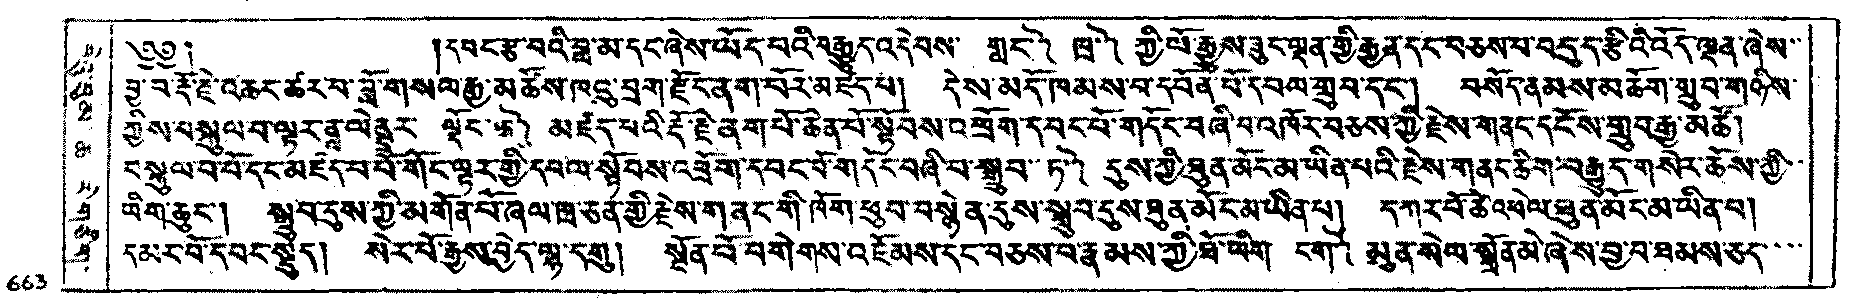༄༅། །དབང་རྩ་བའི་བླ་མ་དང་ཞེས་ཡོད་པའི་བརྒྱུད་འདེབས་གླང྄་ཁྲ྄་ཀྱི་ལོ་རྒྱུས་ཟུང་ལྡན་གྱི་རྒྱན་དང་བཅས་པ་བདུད་རྩིའི་འོད་ལྡན་ཞེས་
བྱ་བ་རྡོ་རྗེ་འཆང་ཚར་པ་བློ་གསལ་རྒྱ་མཚོས་ཁའུ་བྲག་རྫོང་ནག་པོར་མཛད་པ། དེས་མདོ་ཁམས་པ་དབོན་པོ་དཔལ་གྲུབ་དང་། བསོད་ནམས་མཆོག་གྲུབ་གཉིས་
ཀྱིས་བསྐུལ་བ་ལྟར་ནཱ་ལེནྡྲར་ལྡོང་~྾?་མཛད་པའི་རྡོ་རྗེ་ནག་པོ་ཆེན་པོ་སྟོབས་འཕྲོག་དབང་པོ་གདོང་བཞི་པ་འཁོར་བཅས་ཀྱི་རྗེས་གནང་དངོས་གྲུབ་རྒྱ་མཚོ།
བསྐུལ་བ་པོ་དང་མཛད་པ་པོ་གོང་ལྟར་གྱི་དཔལ་སྟོབས་འཕྲོག་དབང་པོ་གདོང་བཞི་པ་སྒྲུབ་ཏ྄་དུས་ཀྱི་ཐུན་མོང་མ་ཡིན་པའི་རྗེས་གནང་ཆིག་བརྒྱུད་གསེར་ཆོས་ཀྱི་
ཡིག་ཆུང་། སྒྲུབ་དུས་ཀྱི་མགོན་པོ་ཞལ་ཁྲ་ཅན་གྱི་རྗེས་གནང་གི་ཁོག་ཕུབ་བསྙེན་དུས་སྒྲུབ་དུས་ཐུན་མོང་མ་ཡིན་པ། དཀར་པོ་ཚེ་འཕེལ་ཐུན་མོང་མ་ཡིན་པ།
དམར་པོ་དབང་སྡུད། སེར་པོ་རྒྱས་བྱེད་ལྷ་དགུ། སྔོན་པོ་བགེགས་འཇོམས་དང་བཅས་པ་རྣམས་ཀྱི་ཐོ་ཡིག་ངག྄་མུན་སེལ་སྒྲོན་མེ་ཞེས་བྱ་བ་ཐམས་ཅད་